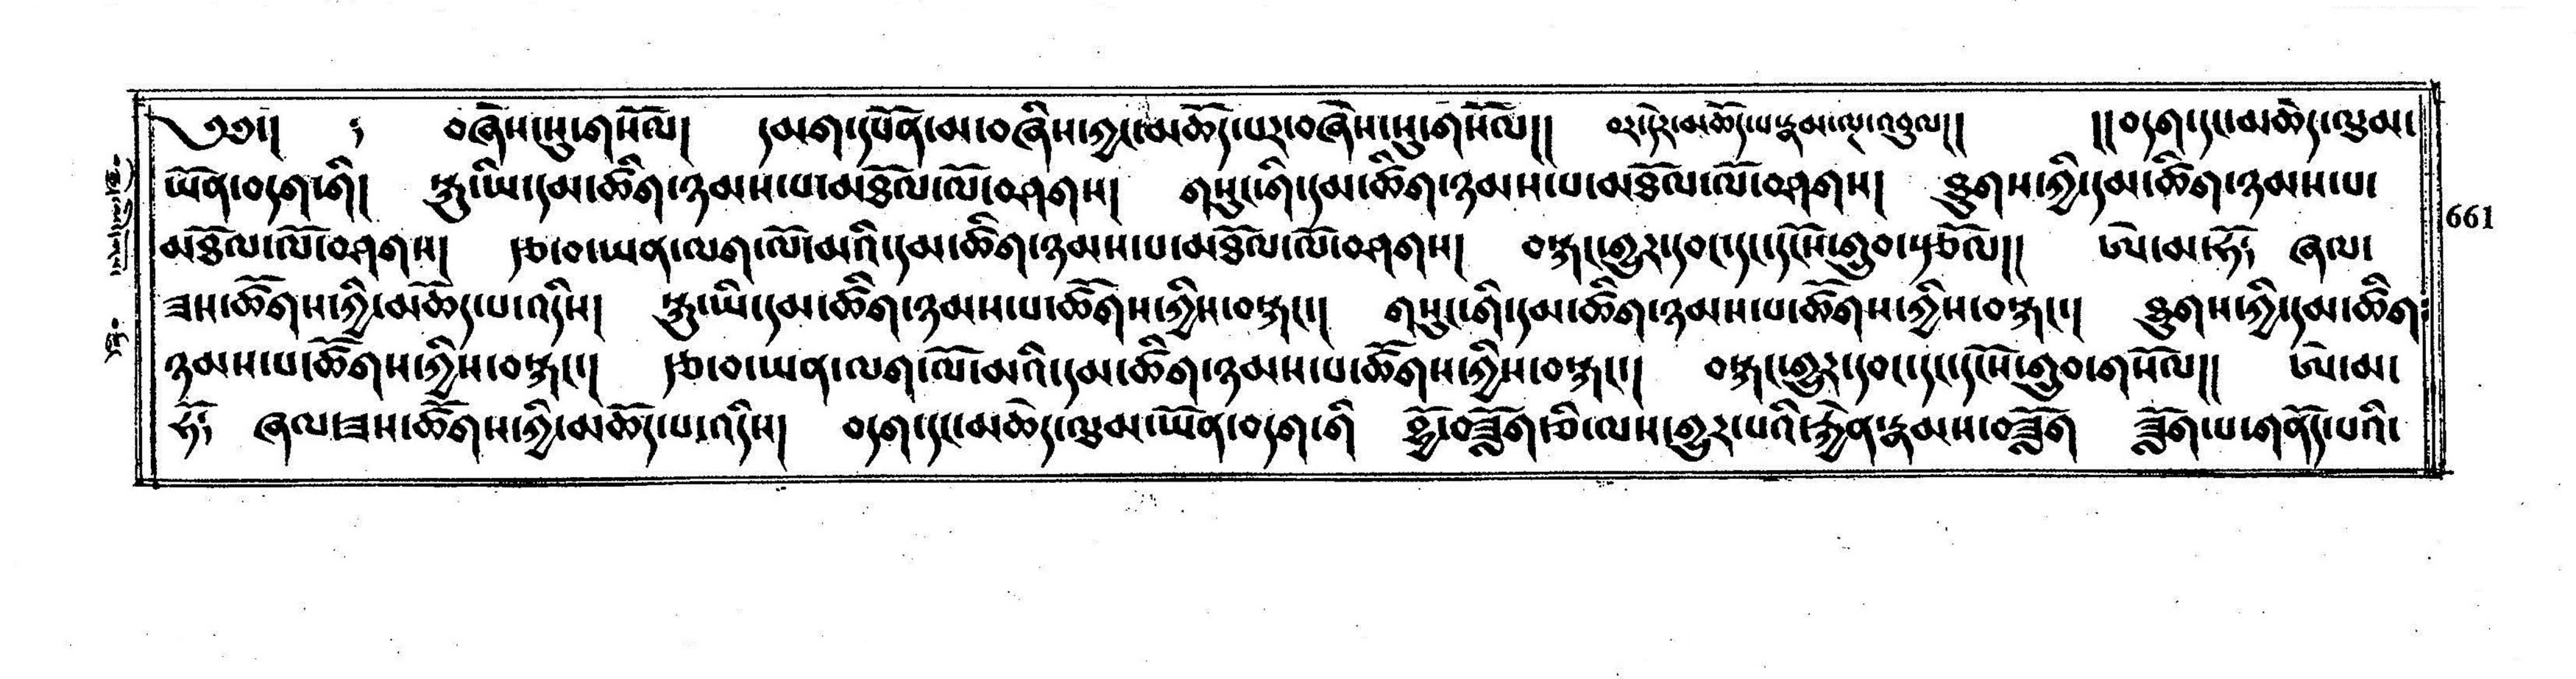བཞེས་སུ་གསོལ། དམག་དཔོན་མ་བཞིས་ཀྱང་མཆོད་པར་བཞེས་སུ་གསོལ།། བར་དེར་མཆོད་པ་རྣམ་ལྔ་འབུལ།། །།བདག་དང་མཆེད་ལྕམ་
ཡོན་བདག་གི སྐུ་ཡི་དམ་ཚིག་ཉམས་པ་མཐོལ་ལོ་བཤགས། གསུང་གི་དམ་ཚིག་ཉམས་པ་མཐོལ་ལོ་བཤགས། ཐུགས་ཀྱི་དམ་ཚིག་ཉམས་པ་
མཐོལ་ལོ་བཤགས། རྩ་བ་ཡན་ལག་ལོ་མའི་དམ་ཚིག་ཉམས་པ་མཐོལ་ལོ་བཤགས། བསྐང་གྱུར་དབང་དང་དངོས་གྲུབ་སྩོལ།། ཨེ་མ་ཧོ ཞལ་
ཟས་ཚོགས་ཀྱི་མཆོད་པ་འདིས། སྐུ་ཡི་དམ་ཚིག་ཉམས་པ་ཚོགས་ཀྱིས་བསྐང་། གསུང་གི་དམ་ཚིག་ཉམས་པ་ཚོགས་ཀྱིས་བསྐང་། ཐུགས་ཀྱི་དམ་ཚིག་
ཉམས་པ་ཚོགས་ཀྱིས་བསྐང་། རྩ་བ་ཡན་ལག་ལོ་མའི་དམ་ཚིག་ཉམས་པ་ཚོགས་ཀྱིས་བསྐང་། བསྐང་གྱུར་དབང་དང་དངོས་གྲུབ་གསོལ།། ཨེ་མ་
ཧོ ཞལ་ཟས་ཚོགས་ཀྱི་མཆོད་པ་འདིས། བདག་དང་མཆེད་ལྕམ་ཡོན་བདག་གི བྷྱོ་བཟློག་ཅི་ལས་གྱུར་པའི་རྐྱེན་རྣམས་བཟློག ཟློག་པ་གནོད་པའི་